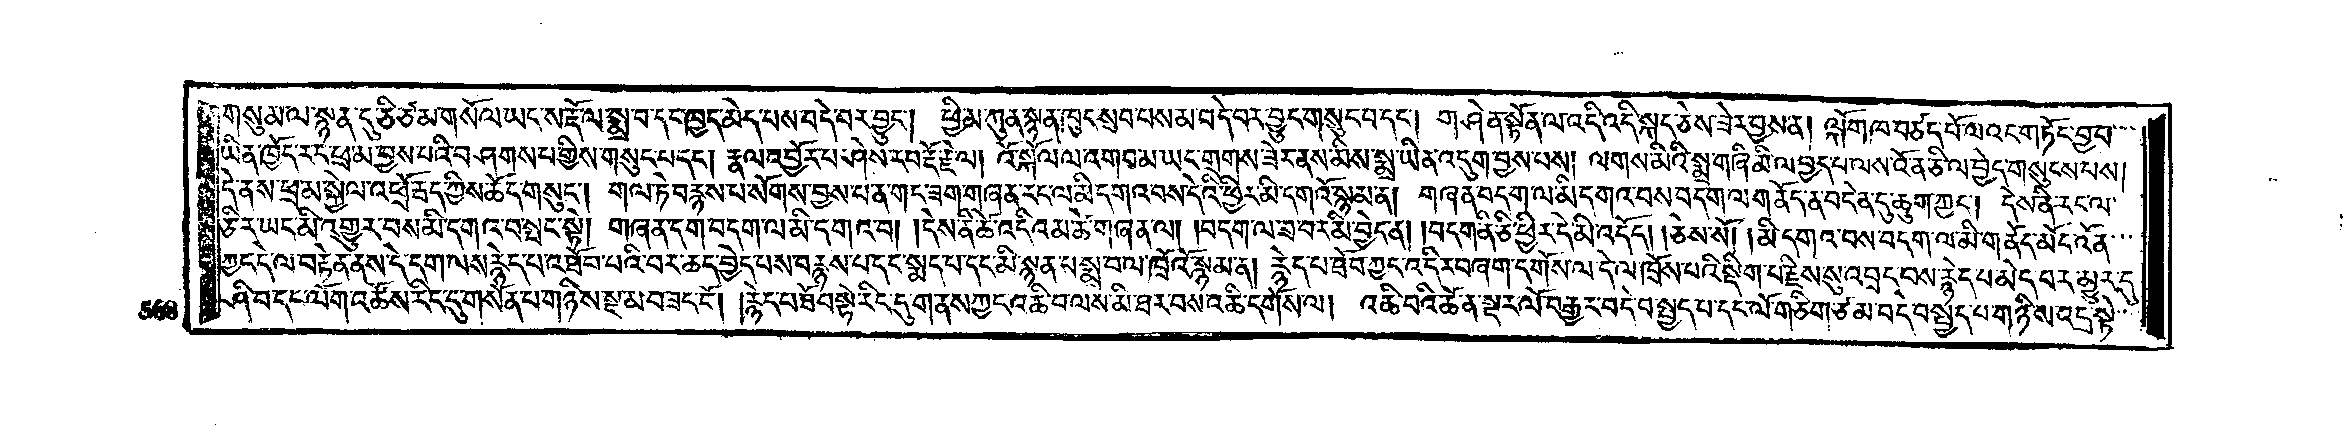གསུམ་ལ་སྙན་དུ་ཅི་ཙམ་གསོལ་ཡང་ས་རྡོལ་སྨྲ་བ་དང་ཁྱད་མེད་པས་བདེ་བར་བྱུང་། ཕྱི་མ་ཀུན་སྙན་ཁུང་སྲབ་པས་མ་བདེ་བར་བྱུང་གསུང་བ་དང་། གཤེན་སྟོན་ལ་འདི་འདི་སྐད་ཅེས་ཟེར་བྱས་ན། ལྐོག་ཁ་བཙད་པོ་ལའང་གཏོང་བྱ་བ་
ཡིན་ཁྱོད་རང་ཕྲ་མ་བྱས་པའི་བཤགས་པ་གྱིས་གསུང་བ་དང་། རྣལ་འབྱོར་པ་ཤེས་རབ་རྡོ་རྗེ་ལ། འོ་སྐོལ་ལ་འགབ་མ་ཡང་གྲགས་ཟེར་ནས་མིས་སྨྲ་ཡིན་འདུག་བྱས་པས། ལགས་མིའི་སྨྲ་གཞི་མི་ལ་བྱེད་པ་ལས་འོ་ན་ཅི་ལ་བྱེད་གསུངས་པས།
དེ་ནས་ཕྲ་མ་སྐྱེལ་འཕྲོ་རྦད་ཀྱིས་ཆོད་གསུང་། གལ་ཏེ་བརྙས་པ་སོགས་བྱས་པ་ན་གང་ཟག་གཞན་རང་ལ་མི་དགའ་བས་དེའི་ཕྱིར་མི་དགའོ་སྙམ་ན། གཞན་བདག་ལ་མི་དགའ་བས་བདག་ལ་གནོད་ན་བདེན་དུ་ཆུག་ཀྱང་། དེས་ནི་རང་ལ་
ཅིར་ཡང་མི་འགྱུར་བས་མི་དགའ་བ་སྤང་སྟེ། གཞན་དག་བདག་ལ་མི་དགའ་བ། །དེས་ནི་ཚེ་འདིའམ་ཚེ་གཞན་ལ། །བདག་ལ་ཟ་བར་མི་བྱེད་ན། །བདག་ནི་ཅི་ཕྱིར་དེ་མི་འདོད། །ཅེས་སོ། །མི་དགའ་བས་བདག་ལ་མི་གནོད་མོད་འོན་
ཀྱང་དེ་ལ་བརྟེན་ནས་དེ་དག་ལས་རྙེད་པ་འཐོབ་པའི་བར་ཆད་བྱེད་པས་བརྙས་པ་དང་སྨད་པ་དང་མི་སྙན་པ་སྨྲ་བ་ལ་ཁྲོའོ་སྙམ་ན། རྙེད་པ་ཐོབ་ཀྱང་འདིར་བཞག་དགོས་ལ་དེ་ལ་ཁྲོས་བའི་སྡིག་པ་རྗེས་སུ་འབྲང་བས་རྙེད་པ་མེད་པར་མྱུར་དུ་
ཤི་བ་དང་ལོག་འཚོས་རིང་དུ་གསོན་པ་གཉིས་སྔ་མ་བཟང་ངོ། །རྙེད་པ་ཐོབ་སྟེ་རིང་དུ་གནས་ཀྱང་འཆི་བ་ལས་མི་ཐར་བས་འཆི་དགོས་ལ། འཆི་བའི་ཚེ་ན་སྔར་ལོ་བརྒྱར་བདེ་བ་སྤྱད་པ་དང་ལོ་གཅིག་ཙམ་བདེ་བ་སྤྱད་པ་གཉིས་འདྲ་སྟེ་